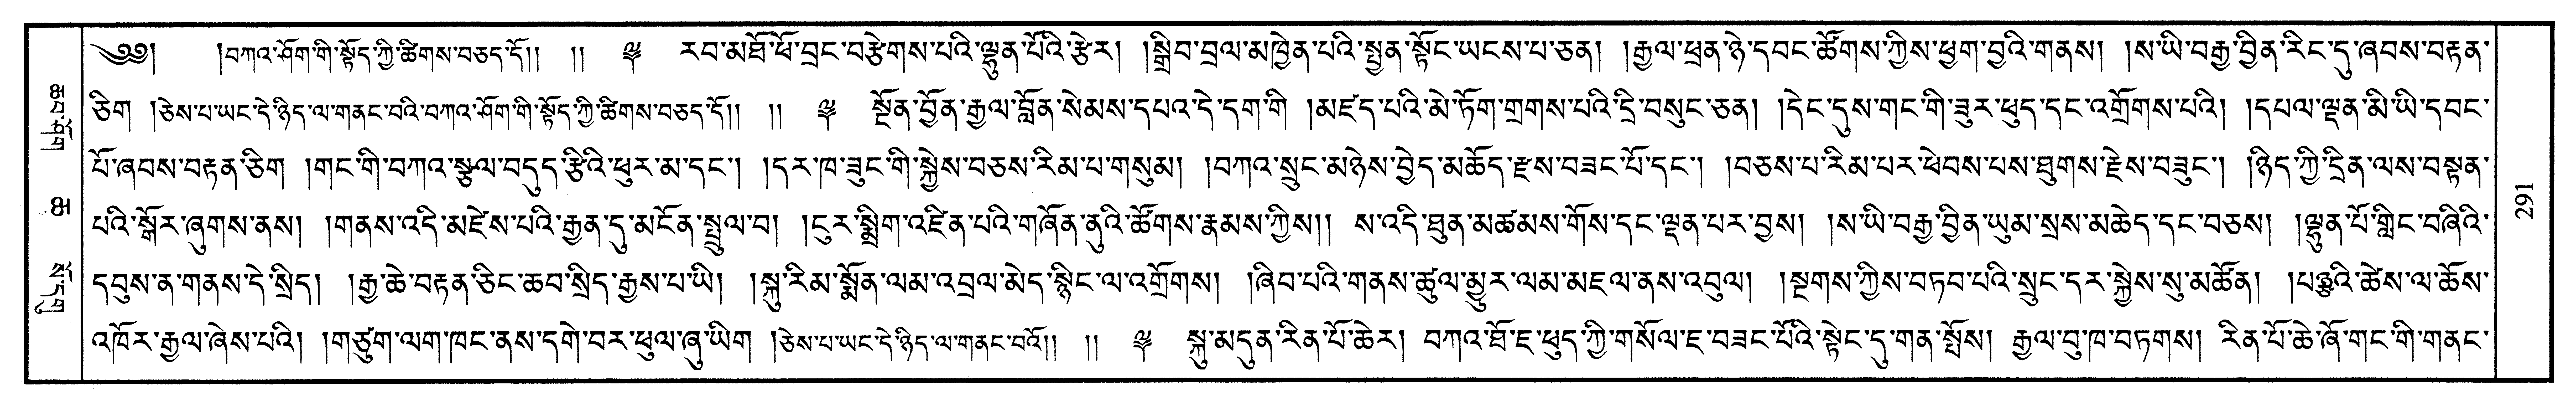༄༅། །བཀའ་ཤོག་གི་སྟོད་ཀྱི་ཚིགས་བཅད་དོ།། །། ༈ རབ་མཐོ་ཕོ་བྲང་བརྩེགས་པའི་ལྷུན་པོའི་རྩེར། །སྒྲིབ་བྲལ་མཁྱེན་པའི་སྤྱན་སྟོང་ཡངས་པ་ཅན། །རྒྱལ་ཕྲན་ཉེ་དབང་ཚོགས་ཀྱིས་ཕྱག་བྱའི་གནས། །ས་ཡི་བརྒྱ་བྱིན་རིང་དུ་ཞབས་བརྟན་
ཅིག །ཅེས་པ་ཡང་དེ་ཉིད་ལ་གནང་བའི་བཀའ་ཤོག་གི་སྟོད་ཀྱི་ཚིགས་བཅད་དོ།། །། ༈ སྔོན་བྱོན་རྒྱལ་བློན་སེམས་དཔའ་དེ་དག་གི །མཛད་པའི་མེ་ཏོག་གྲགས་པའི་དྲི་བསུང་ཅན། །དེང་དུས་གང་གི་ཟུར་ཕུད་དང་འགྲོགས་པའི། །དཔལ་ལྡན་མི་ཡི་དབང་
པོ་ཞབས་བརྟན་ཅིག །གང་གི་བཀའ་སྩལ་བདུད་རྩིའི་ཕུར་མ་དང་། །དར་ཁ་ཟུང་གི་སྐྱེས་བཅས་རིམ་པ་གསུམ། །བཀའ་སྲུང་མཉེས་བྱེད་མཆོད་རྫས་བཟང་པོ་དང་། །བཅས་པ་རིམ་པར་ཕེབས་པས་ཐུགས་རྗེ་བཟུང་། །ཉིད་ཀྱི་དྲིན་ལས་བསྟན་
པའི་སྒོར་ཞུགས་ནས། །གནས་འདི་མཛེས་པའི་རྒྱན་དུ་མངོན་སྤྲུལ་བ། །ངུར་སྨྲིག་འཛིན་པའི་གཞོན་ནུའི་ཚོགས་རྣམས་ཀྱིས། །ས་འདི་ཐུན་མཚམས་གོས་དང་ལྡན་པར་བྱས། །ས་ཡི་བརྒྱ་བྱིན་ཡུམ་སྲས་མཆེད་དང་བཅས། །ཕུན་པོ་གླིང་བཞིའི་
དབུས་ན་གནས་དེ་སྲིད། །རྒྱ་ཆེ་བརྟན་ཅིང་ཆབ་སྲིད་རྒྱས་པ་ཡི། །སྐུ་རིམ་སྨོན་ལམ་འབྲལ་མེད་སྙིང་ལ་འགྲོགས། །ཞིབ་པའི་གནས་ཚུལ་མྱུར་ལམ་མཇལ་ནས་འབུལ། །སྔགས་ཀྱིས་བཏབ་པའི་སྲུང་དར་སྐྱེས་སུ་མཚོན། །པཉྩའི་ཚེས་ལ་ཆོས་
འཁོར་རྒྱལ་ཞེས་པའི། །གཙུག་ལག་ཁང་ནས་དགེ་བར་ཕུལ་ཞུ་ཡིག །ཅེས་པ་ཡང་དེ་ཉིད་ལ་གནང་བའོ།། །། ༈ སྐུ་མདུན་རིན་པོ་ཆེར། །བཀའ་ཐོ་ཇ་ཕུད་ཀྱི་གསོལ་ཇ་བཟང་པོའི་སྟེང་དུ་གན་སྤོས། །རྒྱལ་བུ་ཁ་བཏགས། །རིན་པོ་ཆེ་ཞོ་གང་གི་གནང་